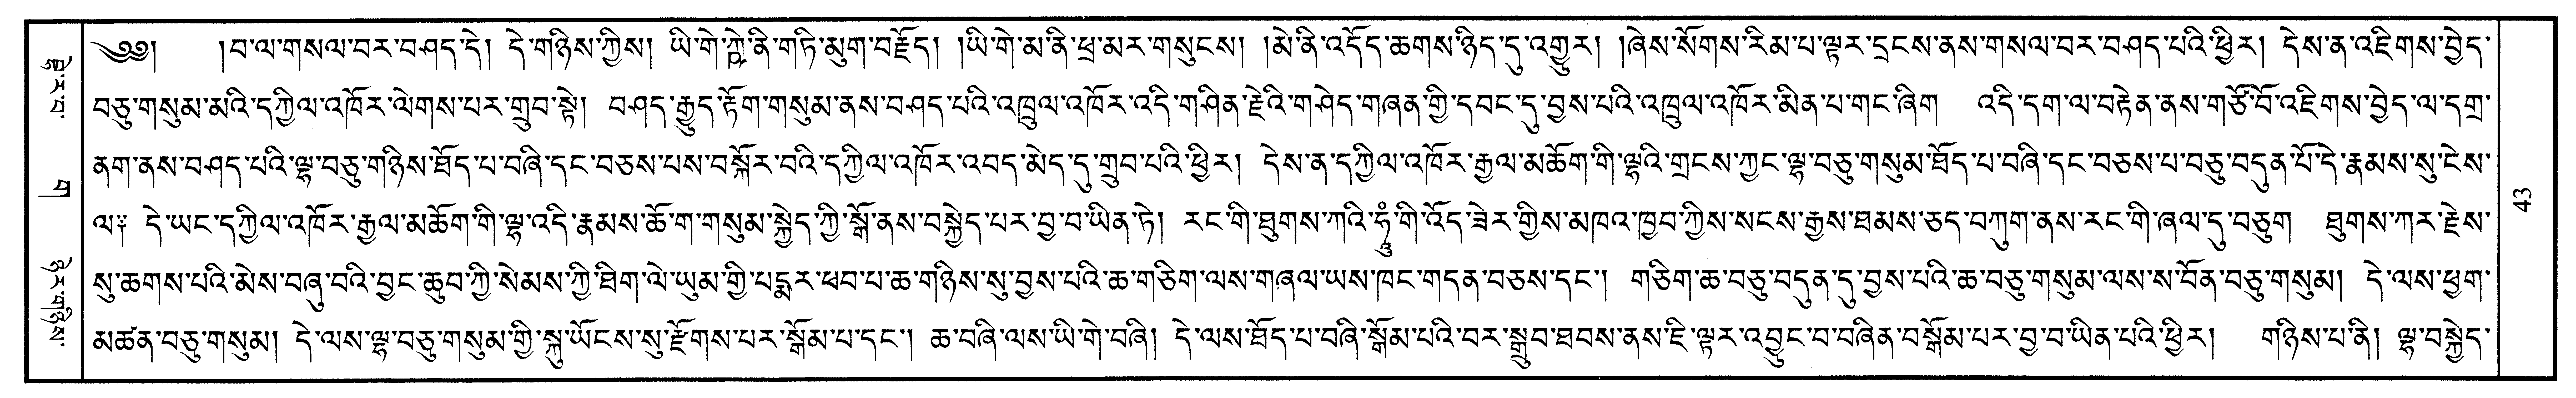༄༅། །བ་ལ་གསལ་བར་བཤད་དེ། དེ་གཉིས་ཀྱིས། ཡི་གེ་ཀྵེ་ནི་གཏི་མུག་བརྗོད། །ཡི་གེ་མ་ནི་ཕྲ་མར་གསུངས། །མེ་ནི་འདོད་ཆགས་ཉིད་དུ་འགྱུར། །ཞེས་སོགས་རིམ་པ་ལྟར་དྲངས་ནས་གསལ་བར་བཤད་པའི་ཕྱིར། དེས་ན་འཇིགས་བྱེད་
བཅུ་གསུམ་མའི་དཀྱིལ་འཁོར་ལེགས་པར་གྲུབ་སྟེ། བཤད་རྒྱུད་རྟོག་གསུམ་ནས་བཤད་པའི་འཁྲུལ་འཁོར་འདི་གཤིན་རྗེའི་གཤེད་གཞན་གྱི་དབང་དུ་བྱས་པའི་འཁྲུལ་འཁོར་མིན་པ་གང་ཞིག །འདི་དག་ལ་བརྟེན་ནས་གཙོ་བོ་འཇིགས་བྱེད་ལ་དགྲ་
ནག་ནས་བཤད་པའི་ལྷ་བཅུ་གཉིས་ཐོད་པ་བཞི་དང་བཅས་པས་བསྐོར་བའི་དཀྱིལ་འཁོར་འབད་མེད་དུ་གྲུབ་པའི་ཕྱིར། དེས་ན་དཀྱིལ་འཁོར་རྒྱལ་མཆོག་གི་ལྷའི་གྲངས་ཀྱང་ལྷ་བཅུ་གསུམ་ཐོད་པ་བཞི་དང་བཅས་པ་བཅུ་བདུན་པོ་དེ་རྣམས་སུ་ངེས་
ལ༑ དེ་ཡང་དཀྱིལ་འཁོར་རྒྱལ་མཆོག་གི་ལྷ་འདི་རྣམས་ཆོ་ག་གསུམ་སྐྱེད་ཀྱི་སྒོ་ནས་བསྐྱེད་པར་བྱ་བ་ཡིན་ཏེ། རང་གི་ཐུགས་ཀའི་ཧཱུཾ་གི་འོད་ཟེར་གྱིས་མཁའ་ཁྱབ་ཀྱིས་སངས་རྒྱས་ཐམས་ཅད་བཀུག་ནས་རང་གི་ཞལ་དུ་བཅུག །ཐུགས་ཀར་རྗེས་
སུ་ཆགས་པའི་མེས་བཞུ་བའི་བྱང་ཆུབ་ཀྱི་སེམས་ཀྱི་ཐིག་ལེ་ཡུམ་གྱི་པདམར་ཕབ་པ་ཆ་གཉིས་སུ་བྱས་པའི་ཆ་གཅིག་ལས་གཞལ་ཡས་ཁང་གདན་བཅས་དང་། གཅིག་ཆ་བཅུ་བདུན་དུ་བྱས་པའི་ཆ་བཅུ་གསུམ་ལས་ས་བོན་བཅུ་གསུམ། དེ་ལས་ཕྱག་
མཚན་བཅུ་གསུམ། དེ་ལས་ལྷ་བཅུ་གསུམ་གྱི་སྐུ་ཡོངས་སུ་རྫོགས་པར་སྒོམ་པ་དང་། ཆ་བཞི་ལས་ཡི་གེ་བཞི། དེ་ལས་ཐོད་པ་བཞི་སྒོམ་པའི་བར་སྒྲུབ་ཐབས་ནས་ཇི་ལྟར་འབྱུང་བ་བཞིན་བསྒོམ་པར་བྱ་བ་ཡིན་པའི་ཕྱིར། གཉིས་པ་ནི། ལྷ་བསྐྱེད་